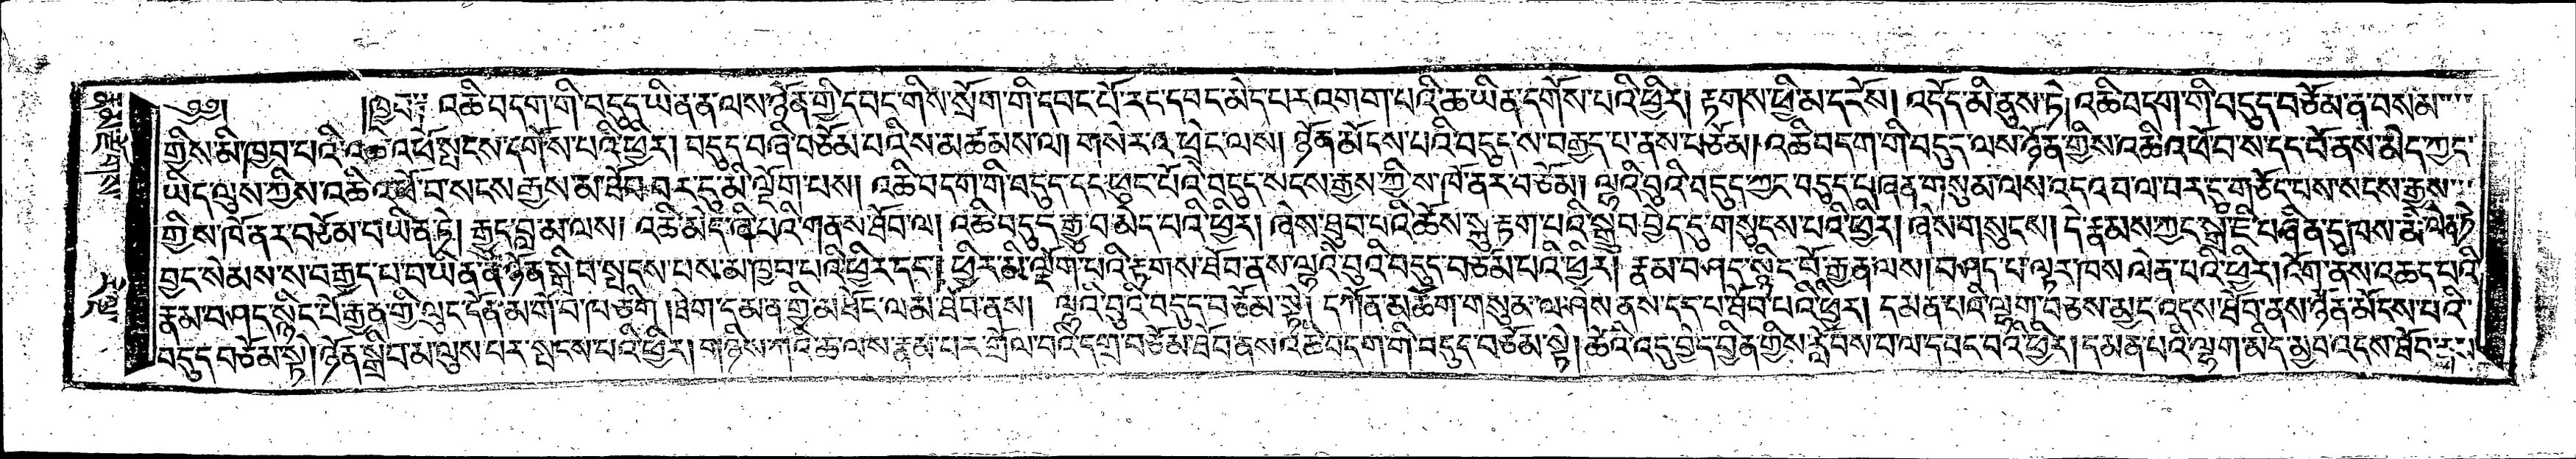༄༅། །ཁྱབ༑ འཆི་བདག་གི་བདུད་ཡིན་ན་ལས་ཉོན་གྱི་དབང་གིས་སྲོག་གི་དབང་པོ་རང་དབང་མེད་པར་འགག་པའི་ཆ་ཡིན་དགོས་པའི་ཕྱིར། རྟགས་ཕྱི་མ་དངོས། འདོད་མི་ནུས་ཏེ། འཆི་བདག་གི་བདུད་བཅོམ་ན་བསམ་
གྱིས་མི་ཁྱབ་པའི་འཆི་འཕོ་སྤངས་དགོས་པའི་ཕྱིར། བདུད་བཞི་བཅོམ་པའི་ས་བྪམས་ལ། གསེར་འཕྲེང་ལས། ཉོན་མོངས་པའི་བདུད་ས་བརྒྱད་པ་ནས་བཅོམ། འཆི་བདག་གི་བདུད་ལས་ཉོན་གྱིས་འཆི་འཕོ་བ་ས་དང་བོ་ནས་མེད་ཀྱང་
ཡིད་ལུས་ཀྱིས་འཆི་འཕོ་བ་སངས་རྒྱས་མ་ཐོབ་བར་དུ་མི་ལྡོག་པས། འཆི་བདག་གི་བདུད་དང་ཕུང་པོའི་བདུད་སངས་རྒྱས་ཀྱི་ས་ཁོ་ནར་བཅོམ། ལྷའི་བུའི་བདུད་ཀྱང་བདུད་གཞན་གསུམ་ལས་འདའ་བ་ལ་བར་དུ་གཅོད་པས་སངས་རྒྱས་
ཀྱི་ས་ཁོ་ནར་བཅོམ་པ་ཡིན་ཏེ། རྒྱུད་བླ་མ་ལས། འཆི་མེད་ཞི་པའི་གནས་ཐོབ་ལ། འཆི་བདུད་རྒྱུ་བ་མེད་པའི་ཕྱིར། ཞེས་ཐོབ་པའི་ཆོས་སྐུ་རྟག་པའི་སྒྲུབ་བྱེད་དུ་གསུངས་པའི་ཕྱིར། ཞེས་གསུངས། དེ་རྣམས་ཀྱང་སྒྲ་ཇི་བཞིན་དུ་ཁས་མི་ལེན་ཏེ།
བྱང་སེམས་ས་བརྒྱད་པ་བ་ཡིན་ན་ཉོན་སྒྲིབ་སྤངས་པས་མ་ཁྱབ་པའི་ཕྱིར་དང་། ཕྱིར་མི་ལྔོག་པའི་རྟགས་ཐོབ་ནས་ལྷའི་བུའི་བདུད་བཅོམ་པའི་ཕྱིར། རྣམ་བཤད་སྙིང་བོ་རྒྱན་ལས། བཤད་པ་ལྟར་ཁས་ལེན་པའི་ཕྱིར། འོག་ནས་འཆད་པའི་
རྣམ་བཤད་སྙིང་པོ་རྒྱན་གྱི་ལུང་དོན་མ་གོ་བ་ཁ་ཅིག། ཐེག་དམན་གྱི་མཐོང་ལམ་ཐོབ་ནས། ལྷའི་བུའི་བདུད་བཅོམ་སྟེ། དཀོན་མཆོག་གསུམ་ལ་ཤེས་ནས་དད་པ་ཐོབ་པའི་ཕྱིར། དམན་པའི་ལྷག་བཅས་མྱང་འདས་ཐོབ་ནས་ཉོན་མོངས་པའི་
བདུད་མྕོམ་སྟེ། ཉོན་སྒྲིབ་མ་ལུས་པར་སྤངས་པའི་ཕྱིར། གཉིས་ཀའི་ཆ་ལས་རྣམ་པར་གྲོལ་བའི་དགྲ་བཅོམ་ཐོབ་ནས་འཆི་བདག་གི་བདུད་བཅོམ་སྟེ། ཚེའི་འདུ་བྱེད་བྱིན་གྱིས་རློབས་པ་ལ་དབང་བའི་ཕྱིར། དམན་པའི་ལྷག་མེད་མྱང་འདས་ཐོབ་ནས་